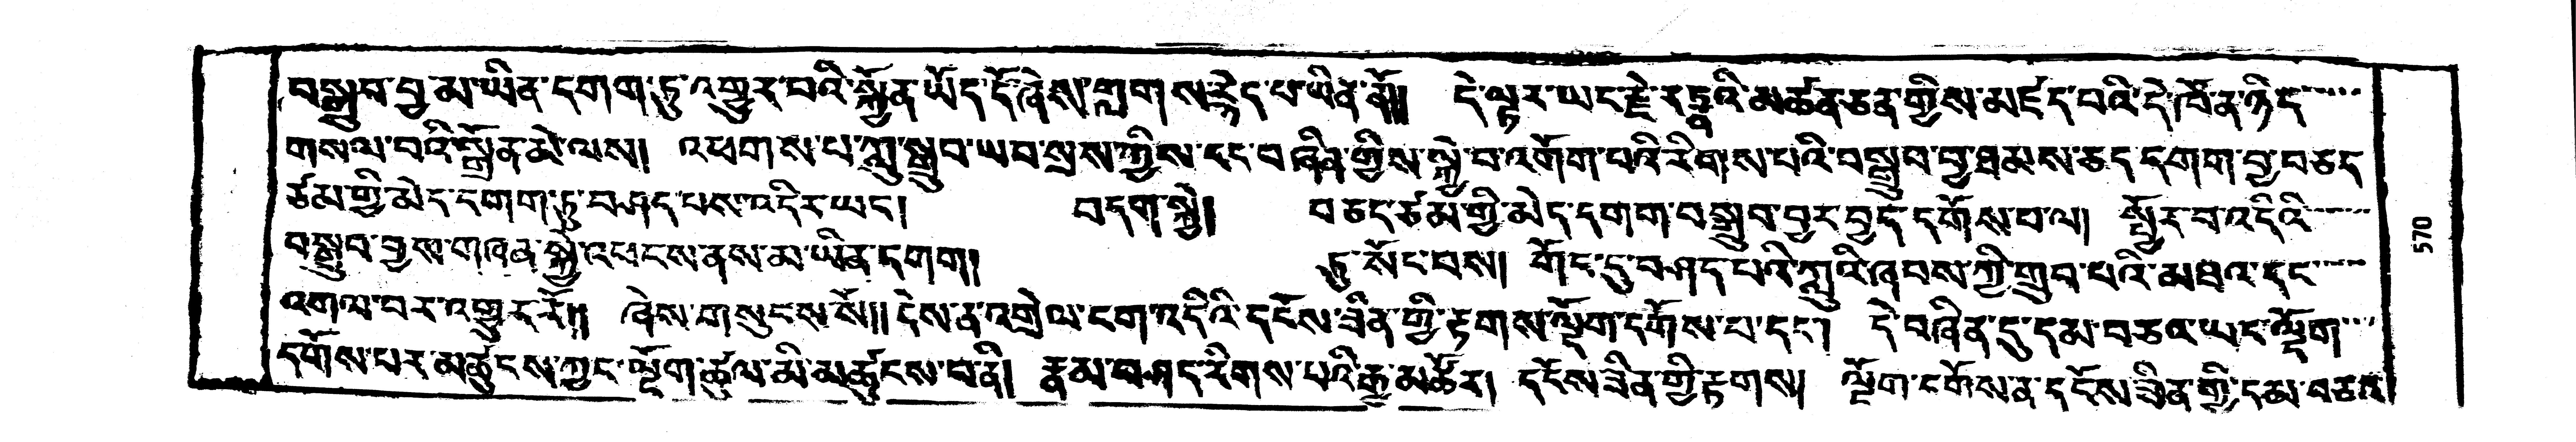བསྒྲུབ་བྱ་མ་ཡིན་དགག་ཏུ་འགྱུར་བའི་སྐྱོན་ཡོད་དོ་ཞེས་གླགས་རྙེད་པ་ཡིན་ནོ། །དེ་ལྟར་ཡང་རྗེ་རྟྣའི་མཚན་ཅན་གྱིས་མཛད་པའི་དེ་ཁོ་ན་ཉིད་
གསལ་བའི་སྒྲོན་མེ་ལས། འཕགས་པ་ཀླུ་སྒྲུབ་ཡབ་སྲས་ཀྱིས་དང་བཞིན་གྱིས་སྐྱེ་བ་འགོག་པའི་རིགས་པའི་བསྒྲུབ་བྱ་ཐམས་ཅད་དགག་བྱ་བཅད་
ཙམ་གྱི་མེད་དགག་ཏུ་བཤད་པས་འདིར་ཡང་། བདག་སྐྱེ། བཅད་ཙམ་གྱི་མེད་དགག་བསྒྲུབ་བྱར་བྱད་དགོས་པ་ལ། སྦྱོར་བ་འདིའི་
བསྒྲུབ་བྱས་གཞན་སྐྱེ་འཕངས་ནས་མ་ཡིན་དགག། ཏུ་སོང་བས། གོང་དུ་བཤད་པའི་ཀླུའི་ཞབས་ཀྱི་གྲུབ་པའི་མཐའ་དང་
འགལ་བར་འགྱུར་རོ། །ཞེས་གསུངས་སོ། །དེས་ན་འགྲེལ་ངག་འདིའི་དངོས་ཟིན་གྱི་རྟགས་ལྡོག་དགོས་པ་དང་དེ་བཞིན་དུ་དམ་བཅའ་ཡང་ལྡོག་
དགོས་པར་མཚུངས་ཀྱང་ལྡོག་ཚུལ་མི་མཚུངས་པ་ནི། རྣམ་བཤད་རིགས་པའི་རྒྱ་མཚོར། དངོས་ཟིན་གྱི་རྟགས། ལྡོག་དགོས་ན་དངོས་ཟིན་གྱི་དམ་བཅའ་